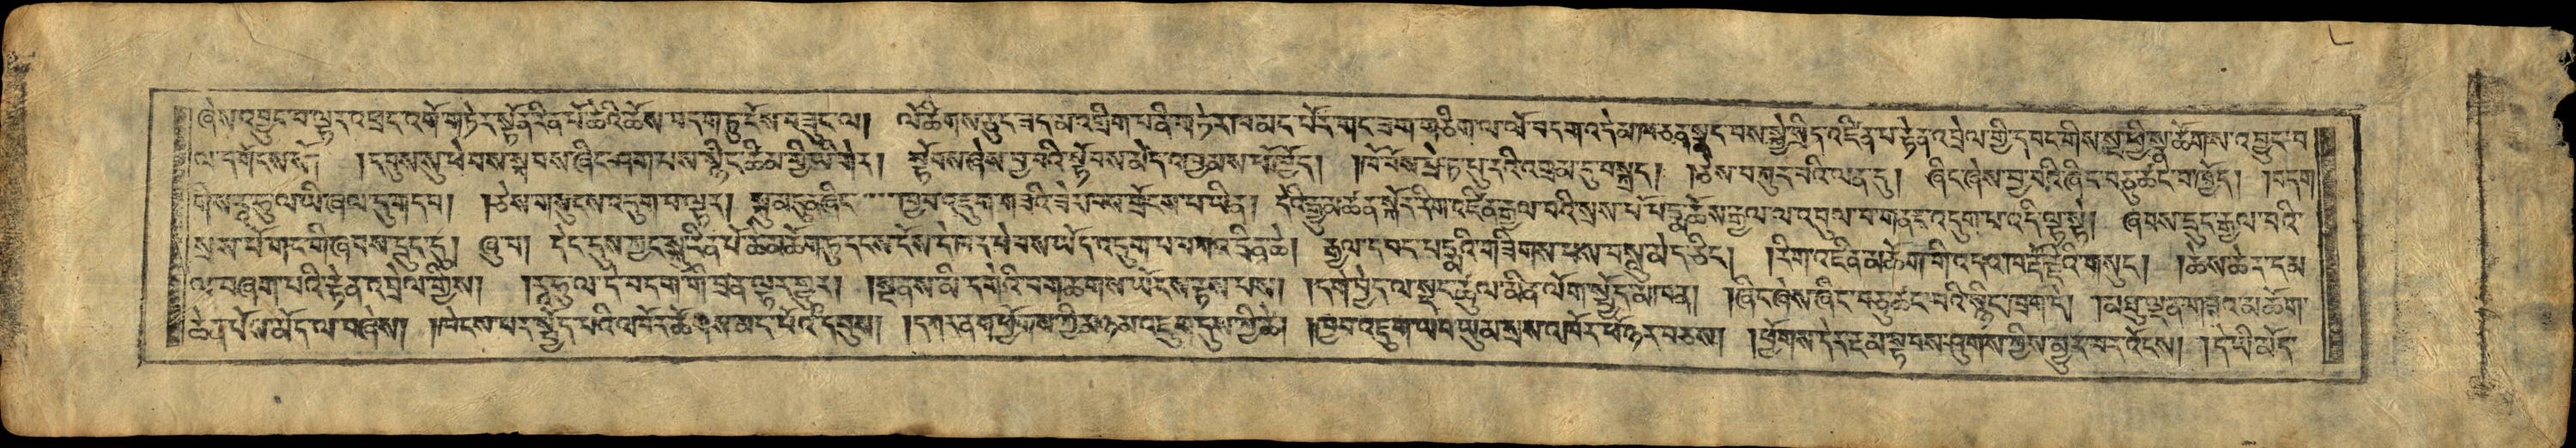ཞེས་འབྱུང་བ་ལྟར་འཕྲད་འགོ་གཏེར་སྟོན་རིན་པོ་ཆེའི་ཆོས་བདག་ཏུ་ངོས་བཟུང་ལ། ལོ་ཚིགས་ཅུང་ཟད་མ་འགྲིག་པ་ནི་གཏེར་ཁ་མང་པོར་གང་ཟག་གཅིག་ལ་ལོ་བདག་འདམ་ཁ་ཅན་སྣང་བས་སྐྱེ་སྲིད་འཛིན་པ་རྟེན་འབྲེལ་གྱི་དབང་གིས་སྔ་ཕྱི་སྣ་ཚོགས་འབྱུང་བ་
ལ་དགོངས་སོ། །དབུས་སུ་ཕེབས་སྐབས་ཞིང་ཤག་པས་སྙིང་ཆིམ་གྱི་ཡི་གེར། སྟོབས་ཞེས་བྱ་བའི་སྟོབས་མེད་འཁྱམས་པོ་ཁྱོད། །ཁོ་བོས་སྲེ་ཏ་པུ་རའི་འགྲམ་དུ་བསྐྲད། །ཅེས་བཀུར་བའི་ལན་དུ། ཞིང་ཞེས་བྱ་བའི་ཞིང་བཅུ་ཚང་བ་ཁྱོད། །བདག་
གིས་རཱ་ཧུ་ལ་ཡི་ཞལ་དུ་གདབ། །ཅེས་གསུངས་འདུག་པ་ལྟར། སྐུ་མདུན་ཞིང་ཁྱབ་འཇུག་གཟའི་ཟེར་ཁས་གྲོངས་པ་ཡིན། དེའི་རྒྱུ་མཚན་སྐོར་རིག་འཛིན་རྒྱལ་བའི་སྲས་པོ་པ་སྨ་ཆོས་རྒྱལ་ལ་འབུལ་བ་གནང་འདུག་པ་འདི་ལྟ་སྟེ། ཞབས་དྲུང་རྒྱལ་བའི་
སྲས་པོ་གང་གི་ཞབས་དྲུང་དུ། ཞུ་བ། དེང་དུས་ཀྱང་སྐུ་རིན་པོ་ཆེ་མཆོག་ཏུ་དངས་ངོས་དེ་ཁར་ཕེབས་ཡོད་འདུག་པ་བཀའ་དྲིན་ཆེ། རྒྱལ་དབང་པདམའི་གཟིགས་པས་བསླུ་མེད་ཅིང་། །རིག་འཛིན་མཆོག་གི་འདའ་ཁ་རྡོ་རྗེའི་གསུང་། །ཆེས་ཆེར་དམ་
ལ་བཞག་པའི་རྟེན་འབྲེལ་གྱིས། །རཱ་ཧུ་ལ་དེ་བདག་གི་བྲན་ལྟར་གྱུར། །སྔ་ནས་མི་དགེའི་བག་ཆགས་ཡངས་རྟས་པས། །དགེ་བྱེད་ལ་སྡང་ཚུལ་མིན་ལོག་སྤྱོད་མཁན། །ཞིང་ཞེས་ཞིང་བཅུ་ཚང་བའི་སྙིང་ཁྲག་དེ། །མཐུ་ལྡན་གཟའ་མཆོག་
ཆེན་པོས་མོད་ལ་བཞེས། །ཁེངས་པར་སྤྱོད་པའི་འཁོར་ཚོགས་མང་པོའི་དབུས། །དཀར་ནག་ཕྱོགས་ཀྱི་མཉམ་འཇུག་དུས་ཀྱི་ཚེ། །ཁྱབ་འཇུག་ཡབ་ཡུམ་སྲས་འཁོར་ཕོ་ཉར་བཅས། །ཕྱོགས་དེར་རྔམ་སྟབས་ཤུགས་ཀྱིས་མྱུར་བར་འོངས། །དེ་ཡི་མོད་